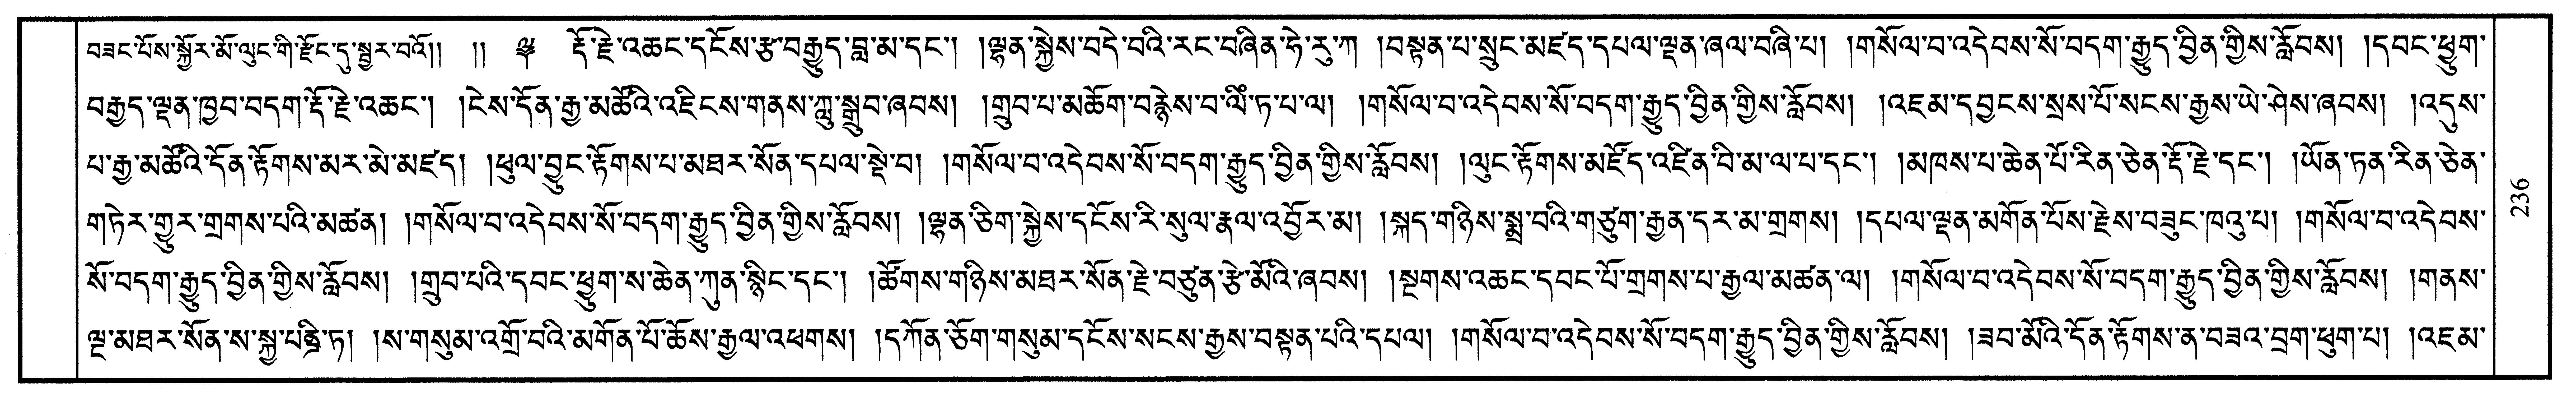བཟང་པོས་སྐྱོར་མོ་ལུང་གི་རྫོང་དུ་སྦྱར་བའོ།། །། ༈ རྡོ་རྗེ་འཆང་དངོས་རྩ་བརྒྱུད་བླ་མ་དང་། །ལྷན་སྐྱེས་བདེ་བའི་རང་བཞིན་ཧེ་རུ་ཀ། །བསྟན་པ་སྲུང་མཛད་དཔལ་ལྡན་ཞལ་བཞི་པ། །གསོལ་བ་འདེབས་སོ་བདག་རྒྱུད་བྱིན་གྱིས་རློབས། །དབང་ཕྱུག་
བརྒྱད་ལྡན་ཁྱབ་བདག་རྡོ་རྗེ་འཆང་། །ངེས་དོན་རྒྱ་མཚོའི་འཇིངས་གནས་ཀླུ་སྒྲུབ་ཞབས། །གྲུབ་པ་མཆོག་བརྙེས་པ་ལིཾ་ཏ་པ་ལ། །གསོལ་བ་འདེབས་སོ་བདག་རྒྱུད་བྱིན་གྱིས་རློབས། །འཇམ་དབྱངས་སྲས་པོ་སངས་རྒྱས་ཡེ་ཤེས་ཞབས། །འདུས་
པ་རྒྱ་མཚོའི་དོན་རྟོགས་མར་མེ་མཛད། །ཕུལ་བྱུང་རྟོགས་པ་མཐར་སོན་དཔལ་སྡེ་བ། །གསོལ་བ་འདེབས་སོ་བདག་རྒྱུད་བྱིན་གྱིས་རློབས། །ལུང་རྟོགས་མཛོད་འཛིན་བི་མ་ལ་པ་དང་། །མཁས་པ་ཆེན་པོ་རིན་ཅེན་རྡོ་རྗེ་དང་། །ཡོན་ཏན་རིན་ཅེན་
གཏེར་གྱུར་གྲགས་པའི་མཚན། །གསོལ་བ་འདེབས་སོ་བདག་རྒྱུད་བྱིན་གྱིས་རློབས། །ལྷན་ཅིག་སྐྱེས་དངོས་རི་སུལ་རྣལ་འབྱོར་མ། །སྐད་གཉིས་སྨྲ་བའི་གཙུག་རྒྱན་དར་མ་གྲགས། །དཔལ་ལྡན་མགོན་པོས་རྗེས་བཟུང་ཁའུ་པ། །གསོལ་བ་འདེབས་
སོ་བདག་རྒྱུད་བྱིན་གྱིས་རློབས། །གྲུབ་པའི་དབང་ཕྱུག་ས་ཆེན་ཀུན་སྙིང་དང་། །ཚོགས་གཉིས་མཐར་སོན་རྗེ་བཙུན་རྩེ་མོའི་ཞབས། །སྔགས་འཆང་དབང་པོ་གྲགས་པ་རྒྱལ་མཚན་ལ། །གསོལ་བ་འདེབས་སོ་བདག་རྒྱུད་བྱིན་གྱིས་རློབས། །གནས་
ལྔ་མཐར་སོན་ས་སྐྱ་པཎྜི་ཏ། །ས་གསུམ་འགྲོ་བའི་མགོན་པོ་ཆོས་རྒྱལ་འཕགས། །དཀོན་ཅོག་གསུམ་དངོས་སངས་རྒྱས་བསྟན་པའི་དཔལ། །གསོལ་བ་འདེབས་སོ་བདག་རྒྱུད་བྱིན་གྱིས་རློབས། །ཟབ་མོའི་དོན་རྟོགས་ན་བཟའ་བྲག་ཕུག་པ། །འཇམ་